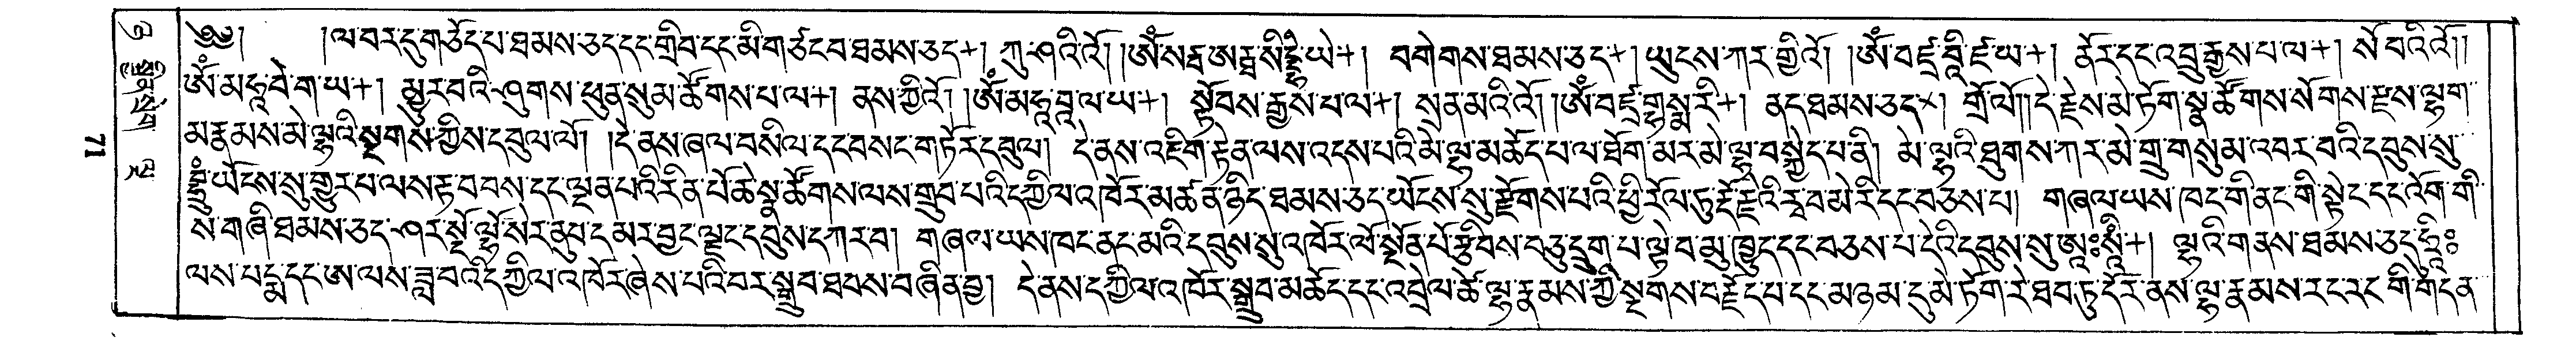༄༅། །ལ་བར་དུ་གཅོད་བ་ཐམས་ཅད་དང་གྲིབ་དང་མི་གཙང་བ་ཐམས་ཅད། ཀུ་ཤཱིའོ། །ཨོཾ་སརྦ་ཨརྠ་སིདྡྷ་ཡེ། བགེགས་ཐམས་ཅད། ཡུངས་ཀར་གྱིའོ། །ཨོཾ་བཛྲ་བཱི་ཛ་ཡ། ནོར་དང་འབྲུ་རྒྱས་བ་ལ། སོ་བའིའོ།།
ཨོཾ་མཧཱ་བེ་ག་ཡ། མྱུར་བའི་ཤུགས་ཕུན་སུམ་ཚོགས་བ་ལ། ནས་ཀྱིའོ། །ཨོཾ་མཧཱ་བཱ་ལ་ཡ། སྟོབས་རྒྱས་བ་ལ། སྲན་མའིའོ། །ཨོཾ་བཛྲ་གྷསྨ་རི། ནད་ཐམས་ཅད། གྲོའོ། །དེ་རྗེས་མེ་ཏོག་སྣ་ཚོགས་སོགས་རྫས་ལྷག་
མ་རྣམས་མེ་ལྷའི་སྔགས་ཀྱིས་དབུལ་ལོ། །དེ་ནས་ཞལ་བསིལ་དང་བསང་གཏོར་དབུལ། དེ་ནས་འཇིག་རྟེན་ལས་འདས་བའི་མེ་ལྷ་མཆོད་པ་ལ་ཐོག་མར་མེ་ལྷ་བསྐྱེད་བ་ནི། མེ་ལྷའི་ཐུགས་ཀར་མེ་གྲུ་གསུམ་འབར་བའི་དབུས་སུ་
བྷཱུཾ་ཡོངས་སུ་གྱུར་པ་ལས་རྟ་བབས་དང་ལྡན་བའི་རིན་པོ་ཆེ་སྣ་ཚོགས་ལས་གྲུབ་པའི་དཀྱིལ་འཁོར་མཚན་ཉིད་ཐམས་ཅད་ལོངས་སུ་རྫོགས་པའི་ཕྱི་རོལ་ཏུ་རྡོ་རྗེའི་རྭ་བ་མེ་རི་དང་བཅས་པ། གཞལ་ཡས་ཁང་གི་ནང་གི་སྟེང་དང་འོག་གི་
ས་གཞི་ཐམས་ཅད་ཤར་སྔོ་ལྷོ་སེར་ནུབ་དམར་བྱང་ལྗང་དབུས་དཀར་བ། གཞལ་ཡས་ཁང་ནང་མའི་དབུས་སུ་འཁོར་ལོ་སྔོན་པོ་རྩིབས་བཅུ་དྲུག་བ་ལྟེ་བ་མུ་ཁྱུད་དང་བཅས་པ་དེའི་དབུས་སུ་ཨཱཿསཱིཾ+། ལྷའི་གནས་ཐམས་ཅད་དུ་ཧྲཱིཿ
ལས་པདམ་དང་ཨ་ལས་ཟླ་བའི་དཀྱིལ་འཁོར་ཞེས་པའི་བར་སྒྲུབ་ཐབས་བཞིན་བྱ། དེ་ནས་དཀྱིལ་འཁོར་སྒྲུབ་མཆོད་དང་འབྲེལ་ཚེ་ལྷ་རྣམས་ཀྱི་སྔགས་བརྗོད་པ་དང་མཉམ་དུ་མེ་ཏོག་རེ་ཐབ་ཏུ་དོར་ནས་ལྷ་རྣམས་རང་རང་གི་གདན་